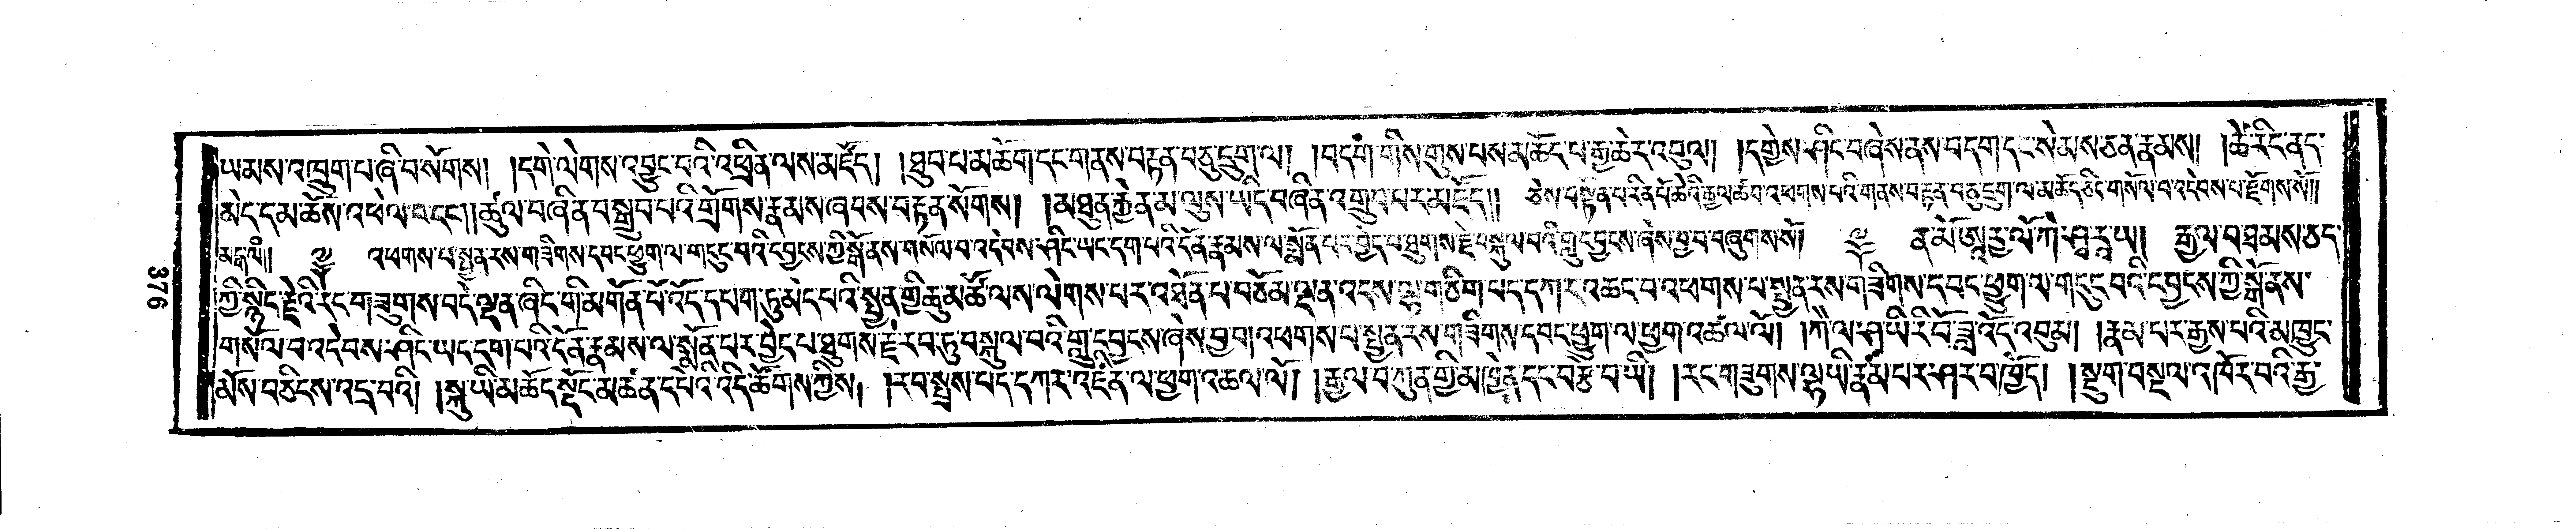ཡམས་འཁྲུག་པ་ཞི་བ་སོགས། །དགེ་ལེགས་འབྱུང་བའི་འཕྲིན་ལས་མཛོད། །ཐུབ་པ་མཆོག་དང་གནས་བརྟན་བཅུ་དྲུག་ལ། །བདག་གིས་གུས་པས་མཆོད་པ་རྒྱ་ཆེར་འབུལ། །དགྱེས་ཤིང་བཞེས་ནས་བདག་དང་སེམས་ཅན་རྣམས། །ཚེ་རིང་ནད་
མེད་དམ་ཆོས་འཕེལ་བ་དང་། །ཚུལ་བཞིན་བསྒྲུབ་པའི་གྲོགས་རྣམས་ཞབས་བརྟན་སོགས། །མཐུན་རྐྱེན་མ་ལུས་ཡིད་བཞིན་འགྲུབ་པར་མཛོད། ཅེས་བསྟོན་པ་རིན་པོ་ཆེའི་རྒྱལ་ཚབ་འཕགས་པའི་བརྟན་བཅུ་དྲུག་ལ་མཆོད་ཅིང་གསོལ་བ་འདེབས་པ་རྫོགས་སོ།།
མངྒ་ལཾ།། ༈ འཕགས་པ་སྤྱན་རས་གཟིགས་དབང་ཕྱུག་ལ་གདུང་བའི་དབྱངས་ཀྱི་སྒོ་ནས་གསོལ་བ་འདེབས་ཤིང་ཡང་དག་པའི་དོན་རྣམས་ལ་སྨོན་པར་བྱེད་པ་ཐུགས་རྗེ་བསྐུལ་བའི་གླུ་དབྱངས་ཞེས་བྱ་བ་བཞུགས་སོ། ༈ ན་མོ་ཨཱརྱ་ལོ་ཀེ་ཤྭ་རྭ་ཡ། རྒྱལ་བ་ཐམས་ཅད་
ཀྱི་སྙིང་རྗེའི་རང་གཟུགས་བདེ་ལྡན་ཞིང་གི་མགོན་པོ་འོད་དཔག་ཏུ་མེད་པའི་སྤྱན་གྱི་ཆུ་མཚོ་ལས་ལེགས་པར་འཐོན་པ་བཅོམ་ལྡན་འདས་ལྷ་གཅིག་པད་དཀར་འཆང་བ་འཕགས་པ་སྤྱན་རས་གཟིགས་དབང་ཕྱུག་ལ་གདུང་བའི་དབྱངས་ཀྱི་སྒོ་ནས་
གསོལ་བ་འདེབས་ཤིང་ཡང་དག་པའི་དོན་རྣམས་ལ་སྨོན་པར་བྱེད་པ་ཐུགས་རྗེ་རབ་ཏུ་བསྐུལ་བའི་གླུ་དབྱངས་ཞེས་བྱ་བ། འཕགས་པ་སྤྱན་རས་གཟིགས་དབང་ཕྱུག་ལ་ཕྱག་ལ་ཕྱག་འཚལ་ལོ། །ཀཻ་ལ་ཤ་ཡི་རི་བོ་ཟླ་འོད་འབུམ། །རྣམ་པར་རྒྱས་པའི་མཁྱུང་
མོས་བཅིངས་འདྲ་བའི། །སྐུ་ཡི་མཆོད་སྡོང་མཚན་དཔེའི་འདི་ཚོགས་ཀྱིས། །རབ་སྤྲས་པད་དཀར་འཛིན་ལ་ཕྱག་འཆལ་ལོ། །རྒྱལ་བ་ཀུན་གྱི་མཁྱེན་དང་བརྩེ་བ་ཡི། །རང་གཟུགས་ལྷ་ཡི་རྣམ་པར་ཤར་བ་ཁྱོད། །སྡུག་བསྔལ་འཁོར་བའི་རྒྱ་